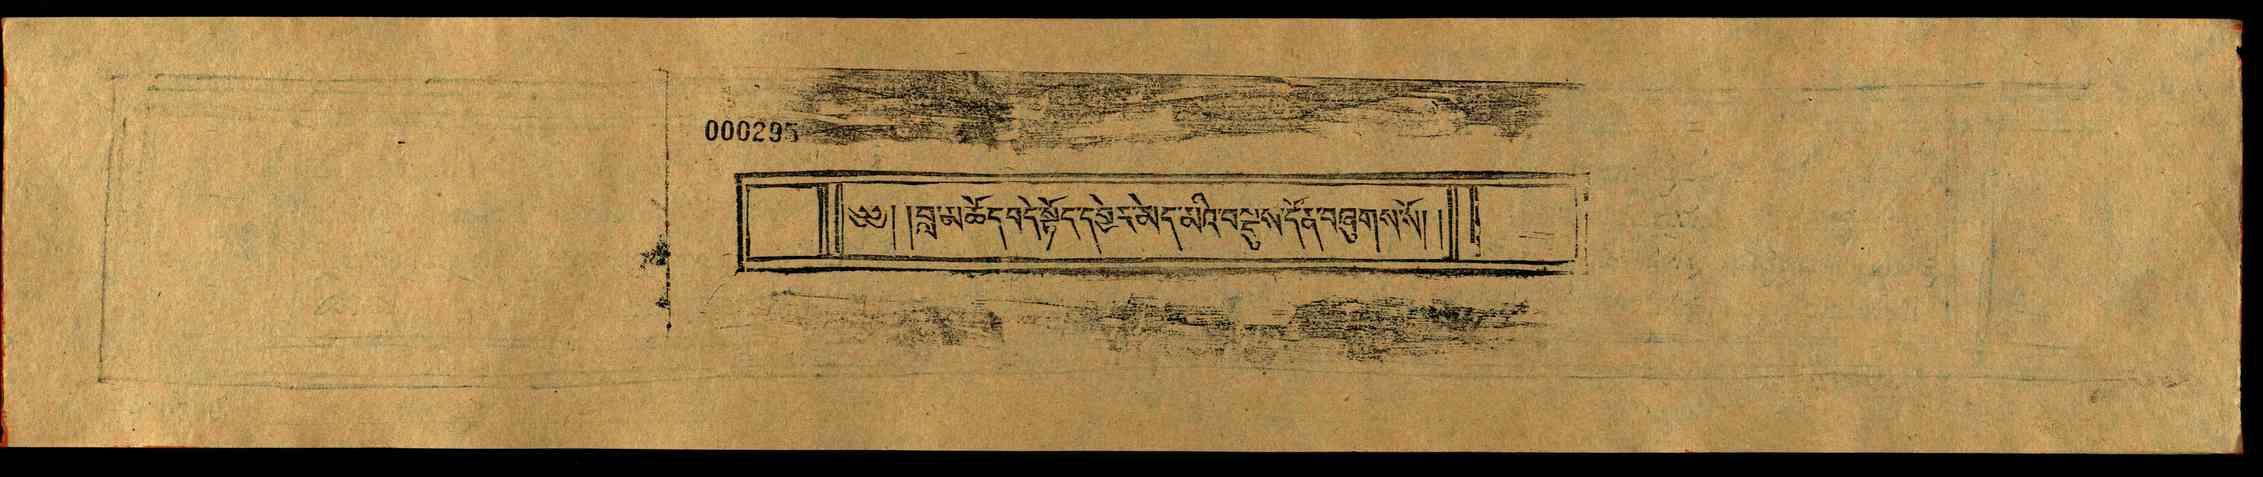༄༅། །བླ་མཆོད་བདེ་སྟོང་དབྱེར་མེད་མའི་བསྡུས་དོན་བཞུགས་སོ། །